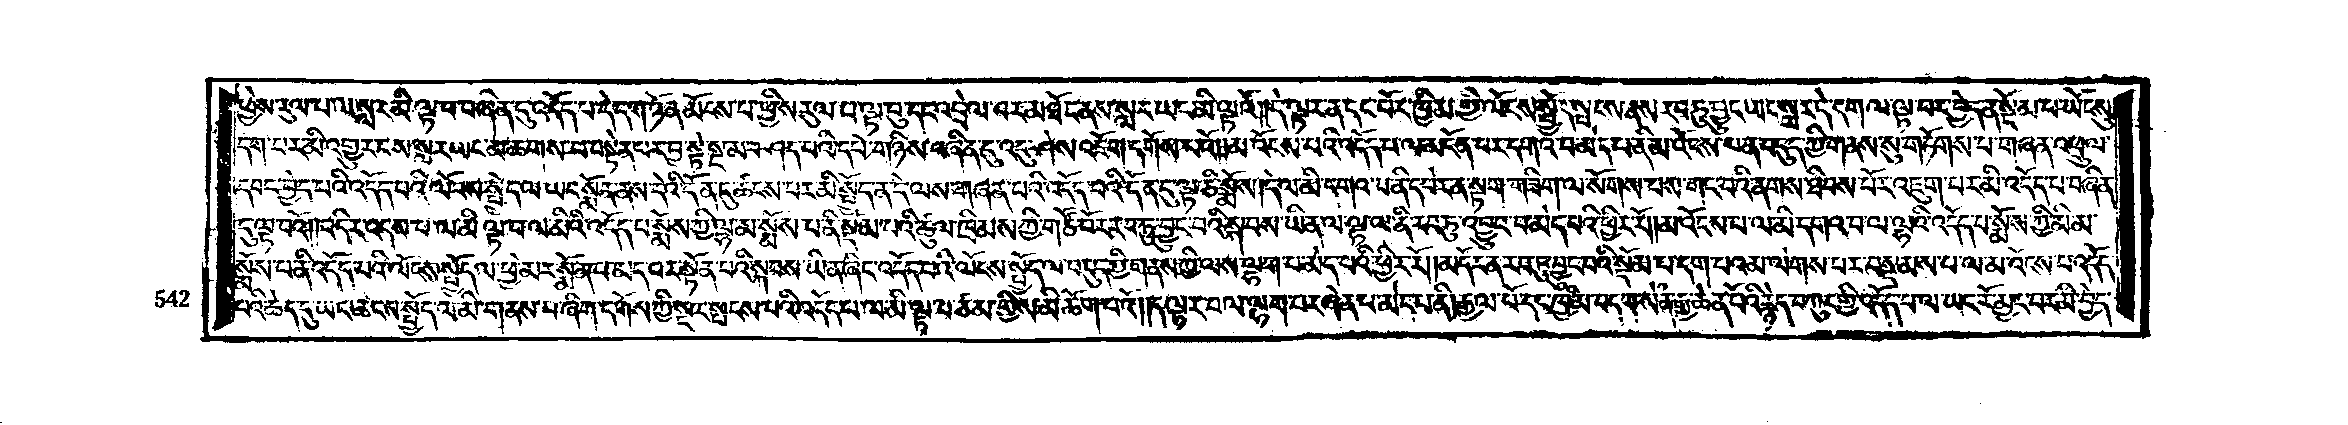ཕྱིས་རུལ་པ་ལ་སླར་མི་ལྟ་བ་བཞིན་དུ་འདོད་པ་དེ་དག་ཉོན་མོངས་པ་ཕྱིས་རུལ་པ་ལྟ་བུ་དང་འབྲེལ་བར་མཐོང་ནས་སླར་ཡང་མི་ལྟའོ། །དེ་ལྟར་ན་དང་པོར་ཁྱིམ་གྱི་ལོངས་སྤྱོད་སྤངས་ནས་རབ་ཏུ་བྱུང་ཡང་སླར་དེ་དག་ལ་ལྟ་བར་བྱེད་ན་སྡོམ་པ་ཡོངས་སུ་
དག་པར་མི་འགྱུར་ངས་སླར་ཡང་མ་ཆགས་པ་བསྟེན་པར་བྱ་སྟེ་སྔ་མ་བཤད་པའི་དཔེ་གཉིས་བཞིན་དུ་འདུ་ཤེས་འཇོག་དགོས་པའོ། །མ་འོངས་པའི་འདོད་པ་ལ་མངོན་པར་དགའ་བ་མེད་པ་ནི་མ་འོངས་པ་ན་བདུད་ཀྱི་གནས་སུ་གཏོགས་པ་གཞན་འཕྲུལ་
དབང་བྱེད་པའི་འདོད་པའི་ལོངས་སྤྱོད་ལ་ཡང་སྨོན་ནས་དེའི་དོན་དུ་ཚངས་པར་མི་སྤྱོད་ན་དེ་ལས་གཞན་པའི་འདོད་པའི་དོན་དུ་ལྟ་ཅི་སྨོས། དེ་ལ་མི་དགའ་བ་ནི་དཔེར་ན་སྟག་གཟིག་ལ་སོགས་པས་གང་བའི་ནགས་ཐིབས་པོར་འཇུག་པར་མི་འདོད་པ་བཞིན་
དུ་ལྟ་བའོ། །འདིར་འདས་པ་ལ་མི་ལྟ་བ་ལ་མིའི་འདོད་པ་སྨོས་ཀྱི་ལྷ་མ་སྨོས་པ་ནི་སྡོམ་པའི་ཚུལ་ཁྲིམས་ཀྱི་གཙོ་བོར་རབ་ཏུ་བྱུང་བའི་སྐབས་ཡིན་ལ་ལྟ་ལ་ནི་རབ་ཏུ་འབྱུང་བ་མེད་པའི་ཕྱིར་རོ། །མ་འོངས་པ་ལ་མི་དགའ་བ་ལ་ལྷའི་འདོད་པ་སྨོས་ཀྱི་མི་མ་
སྨོས་པ་ནི་འདོད་པའི་ལོངས་སྤྱོད་ལ་ཕྱེ་མར་སྨོན་པ་མད་པར་སྟོན་པའི་སྐབས་ཡིན་ཞིང་འདོད་པའི་ལོངས་སྤྱོད་ལ་བདུད་ཀྱི་གནས་ཀྱི་ལས་ལྷག་པ་མེད་པའི་ཕྱིར་རོ། །མདོར་ན་རབ་ཏུ་བྱུང་བའི་སྡོམ་པ་དག་པའམ་ལེགས་པར་བསྡམས་པ་ལ་མ་འོངས་པ་འདོད་
པའི་ཆེད་དུ་ཡང་ཚངས་སྤྱོད་ལ་མི་གནས་པ་ཞིག་དགོས་ཀྱི་སྔར་སྤངས་པའི་འདོད་པ་ལ་མི་ལྟ་པ་ཙམ་གྱིས་མི་ཆོག་པའོ། །ད་ལྟར་བ་ལ་ལྷག་པར་ཞེན་པ་མེད་པ་ནི། རྒྱལ་པོ་དང་ཁྱིམ་བདག་སེམས་ཅན་རྒྱ་ཆེན་པོའི་རྙེད་བཀུར་གྱི་འདོད་པ་ལ་ཡང་རོ་མྱང་བར་མི་བྱེད་